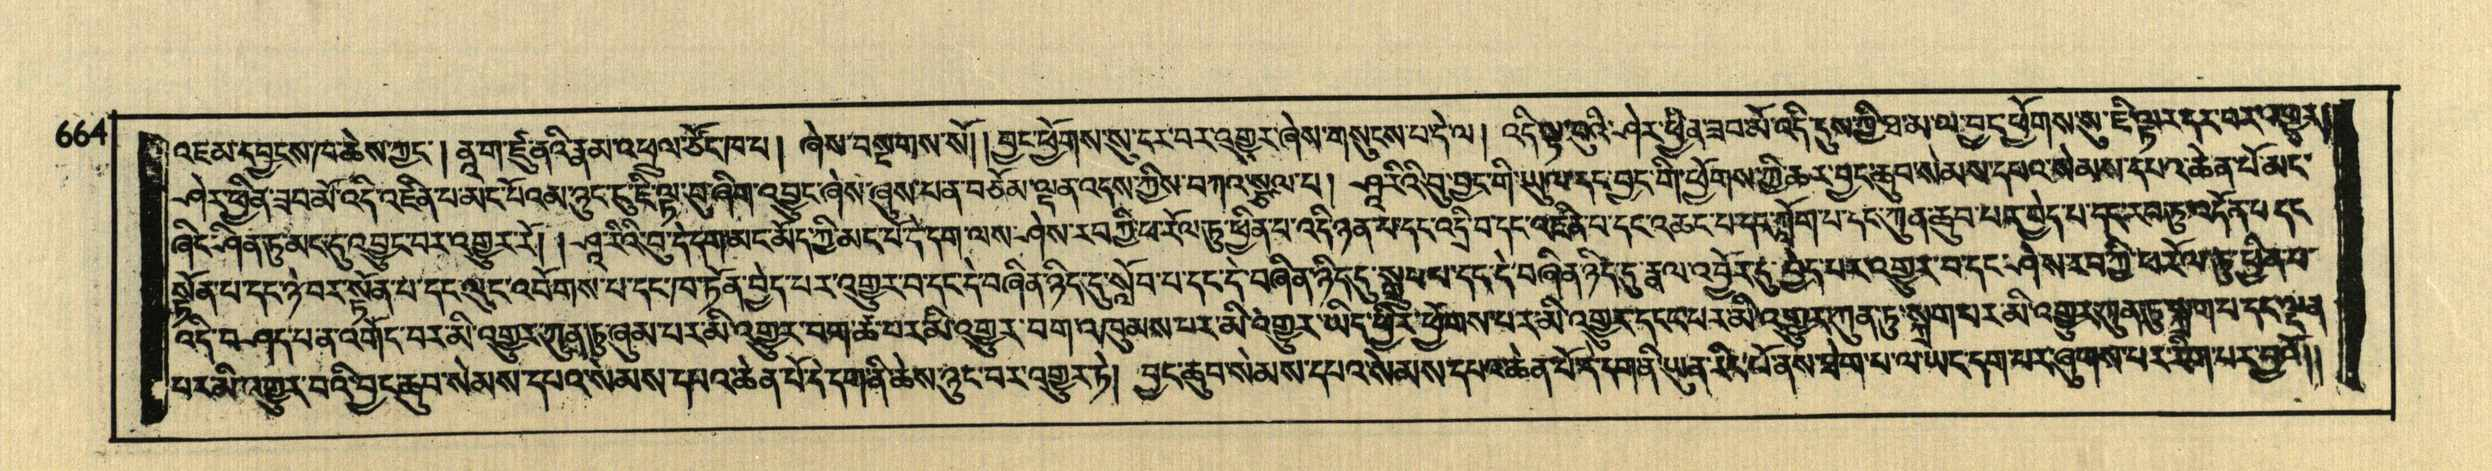འཇམ་དབྱངས་ཁ་ཆེས་ཀྱང་། ནཱ་ག་ཛུ་ནའི་རྣམ་འཕྲུལ་ཙོང་ཁ་པ། ཞེས་བསྔགས་སོ། །བྱང་ཕྱོགས་སུ་དར་བར་འགྱུར་ཞེས་གསུངས་པ་དེ་ལ། འདི་ལྟ་བུའི་ཤེར་ཕྱིན་ཟབ་མོ་འདི་དུས་ཀྱི་ཐ་མ་ལ་བྱང་ཕྱོགས་སུ་ཇི་ལྟར་དར་བར་འགྱུར།
ཤེར་ཕྱིན་ཟབ་མོ་འདི་འཛིན་པ་མང་པོའམ་ཉུང་ངུ་ཇི་ལྟ་བུ་ཞིག་འབྱུང་ཞེས་ཞུས་པ་ན་བཅོམ་ལྡན་འདས་ཀྱིས་བཀའ་སྩལ་པ། ཤཱ་རིའི་བུ་བྱང་གི་ཡུལ་དང་བྱང་གི་ཕྱོགས་ཀྱི་ཆར་བྱང་ཆུབ་སེམས་དཔའ་སེམས་དཔའ་ཆེན་པོ་མང་
ཞིང་ཤིན་ཏུ་མང་དུ་འབྱུང་བར་འགྱུར་རོ། །ཤཱ་རིའི་བུ་དེ་དག་མང་མོད་ཀྱི་མང་པོ་དེ་དག་ལས་ཤེས་རབ་ཀྱི་ཕ་རོལ་ཏུ་ཕྱིན་པ་འདི་ཉན་པ་དང་འདྲི་བ་དང་འཛིན་པ་དང་འཆང་པ་དང་ཀློག་པ་དང་ཀུན་ཆུབ་པར་བྱེད་པ་དང་རབ་ཏུ་འདོན་པ་དང་
སྟོན་པ་དང་ཉེ་བར་སྟོན་པ་དང་ལུང་འབོགས་པ་དང་ཁ་ཏོན་བྱེད་པར་འགྱུར་བ་དང་དེ་བཞིན་ཉིད་དུ་སློབ་པ་དང་དེ་བཞིན་ཉིད་དུ་སྒྲུབ་པ་དང་དེ་བཞིན་ཉིད་དུ་རྣལ་འབྱོར་དུ་བྱེད་པར་འགྱུར་བ་དང་ཤེས་རབ་ཀྱི་ཕ་རོལ་ཏུ་ཕྱིན་པ་
འདི་བཤད་པ་ན་འགོད་བར་མི་འགྱུར་ཀུན་ཏུ་ཞུམ་པར་མི་འགྱུར་བག་ཚ་བར་མི་འགྱུར་བག་འཁུམས་པར་མི་འགྱུར་ཡིད་ཕྱིར་ཕྱོགས་པར་མི་འགྱུར་དང་འྤར་མི་འགྱུར་ཀུན་ཏུ་སྐྲག་པར་མི་འགྱུར་ཀུན་ཏུ་སྐྲག་པ་དང་ལྡན་
པར་མི་འགྱུར་བའི་བྱང་ཆུབ་སེམས་དཔའ་སེམས་དཔའ་ཆེན་པོ་དེ་དག་ནི་ཆེས་ཉུང་བར་འགྱུར་ཏེ། བྱང་ཆུབ་སེམས་དཔའ་སེམས་དཔའ་ཆེན་པོ་དེ་དག་ནི་ཡུན་རིང་པོ་ནས་ཐེག་པ་ལ་ཡང་དག་པར་ཞུགས་པར་རིག་པར་བྱའོ།།